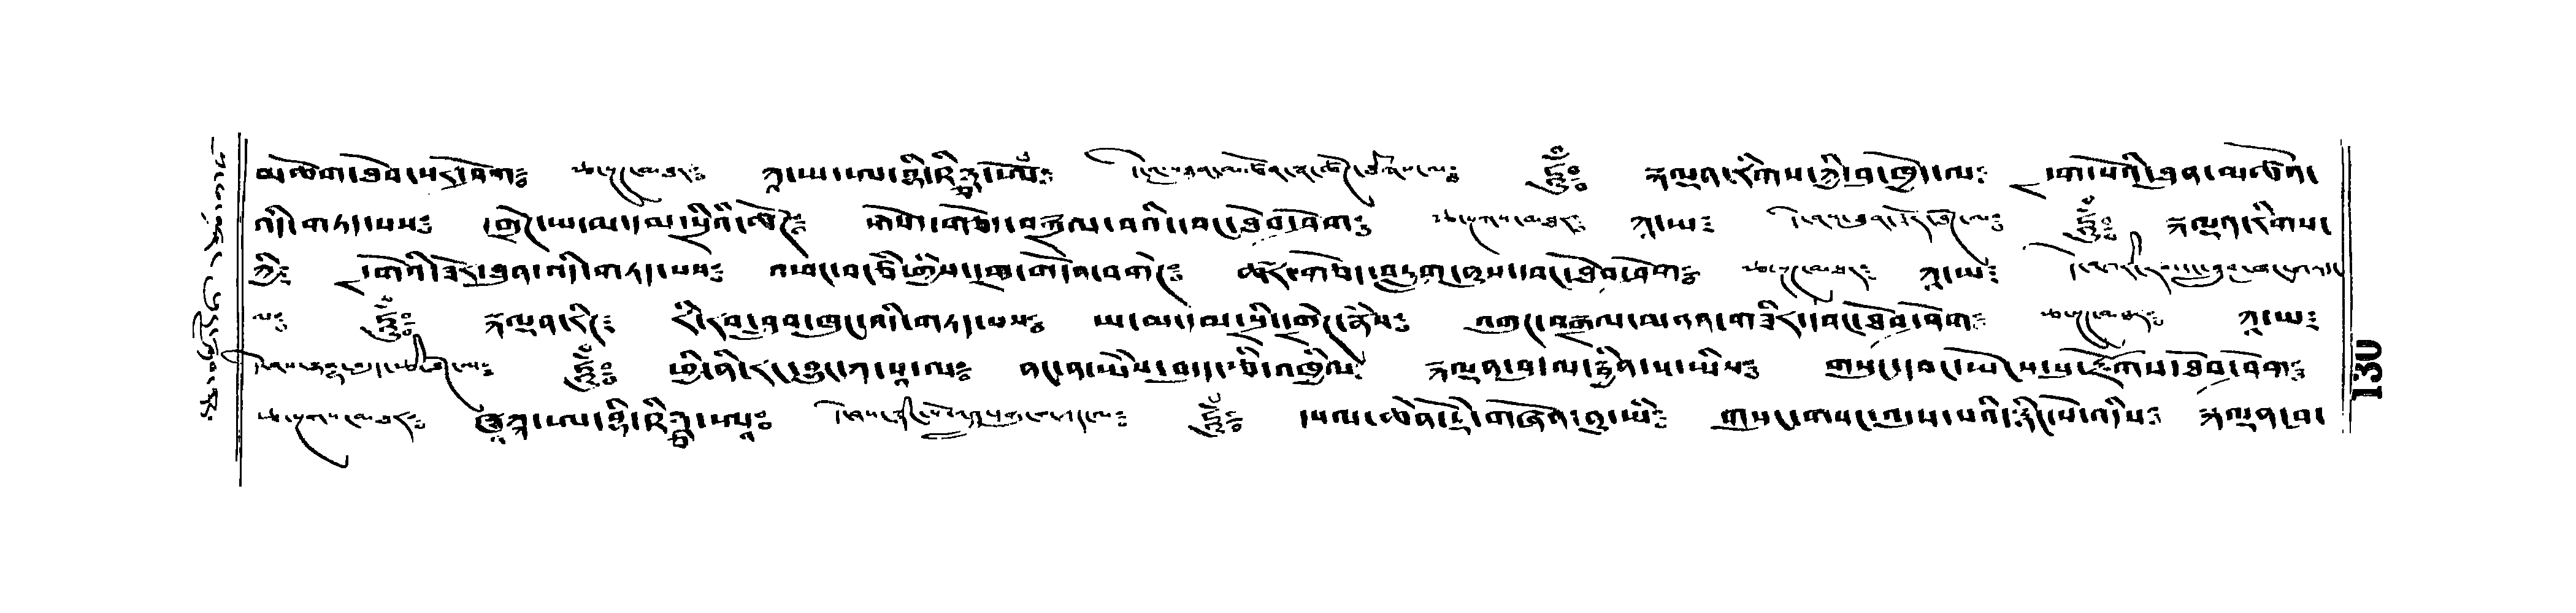མཆོག་ཐོབ་པར་ཤོག༔ རྩ་སྔགས་མཐར༔ ཀཱ་ཡ་ཨ་བྷི་རིཉྩ་ཨོཾ༔ དེ་ནས་ཐུན་མཚོན་སྣ་ཚོགས་ཐོགས་ལ༔ ཧཱུྃ༔ སྐལ་ལྡན་རིགས་ཀྱི་བུ་ཁྱོད་ལ༔ དྲག་པོའི་ཐུན་མཚོན་
འདི་གཏད་པས༔ དགྲ་བགེགས་ཡ་མ་དམ་སྲིའི་ཚོགས༔ གསོད་གཅོད་བསྒྲལ་བའི་དབང་ཐོབ་ཤོག༔ རྩ་སྔགས་མཐར༔ ཀཱ་ཡ༴ དེ་ནས་ཐུན་ཟོར་ཐོགས་ལ༔ ཧཱུྃ༔ སྐལ་ལྡན་རིགས་
ཀྱི༴ དྲག་པོའི་ཟོར་ཐུན་འདི་གཏད་པས༔ འཕང་བ་ཙམ་གྱིས་དགྲ་གདོན་བགེགས༔ ཚར་གཅོད་བརླག་ནུས་དབང་ཐོབ་ཤོག༔ རྩ་སྔགས་མཐར༔ ཀཱ་ཡ་སོགས༔ དེ་ནས་རི་རབ་བྲུ་ཁུང་གཏད་
ལ༔ ཧཱུྃ༔ སྐལ་ལྡན་རིགས༴ རི་རབ་བྲུབ་ཁུང་འདི་གཏད་པས༔ ཡ་མ་དམ་སྲི་དགྲ་བགེགས་རྣམས༔ འགུགས་བསྒྲལ་མནན་གཟིར་དབང་ཐོབ་ཤོག༔ རྩ་སྔགས་མཐར༔ ཀཱ་ཡ་སོགས༔ 
དེ་ནས་བྷནྡྷ་བདུད་རྩི་ཐོགས་ལ༔ ཧཱུྃ༔ ཕྱི་ནི་རང་བྱུང་ཀ་པཱ་ལ༔ ནང་ན་ཡེ་ཤེས་བདུད་རྩི་འཁྱིལ༔ སྐལ་ལྡན་བུ་ལ་སྦྱིན་པ་ཡིས༔ གསུང་དབང་ཡོངས་སུ་རྫོགས་ཐོབ་ཤོག༔ 
རྩ་སྔགས་མཐར༔ ཝཱཀྐ་ཨ་བྷི་རིཉྩ་ཨཱཿ དེ་ནས་སྙིང་པོ་འབྲུ་དགུ་གཏད་ལ༔ ཧཱུྃ༔ དཔལ་ཆེན་རྡོ་རྗེ་གཞོན་ནུ་ཡི༔ གསུང་གསང་འདུས་པའི་སྙིང་པོ་འདིས༔ སྐལ་ལྡན་བུ་